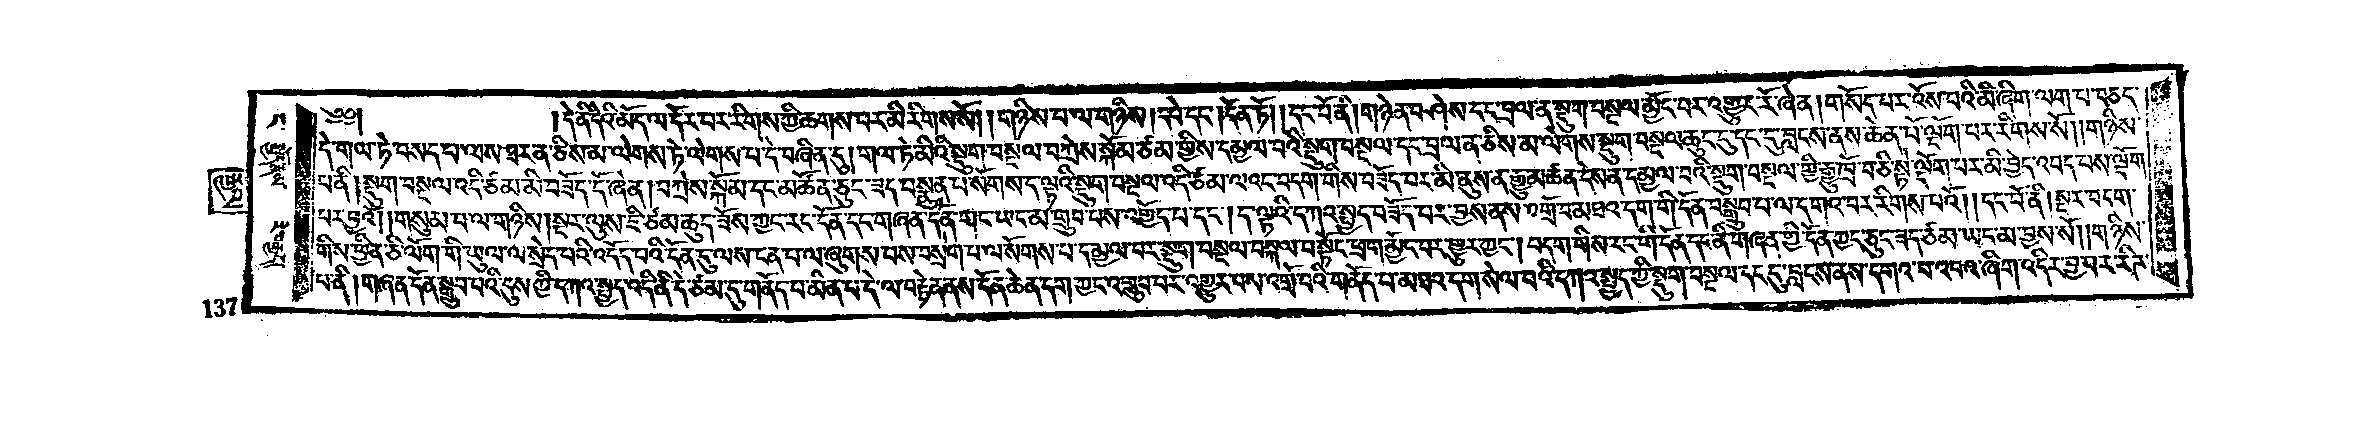༄༅། །དེ་ནི་དེའི་མོད་ལ་དོར་བར་རིགས་ཀྱི་ཆགས་པར་མི་རིགས་སོ། །གཉིས་པ་ལ་གཉིས། དཔེ་དང་། དོན་ཏོ། །དང་པོ་ནི། གཉེན་བཤེས་དང་བྲལ་ན་སྡུག་བསྔལ་མྱོང་བར་འགྱུར་རོ་ཞེ་ན། གསོད་པར་འོས་པའི་མི་ཞིག་ལག་པ་བཅད་
དེ་གལ་ཏེ་བསད་པ་ལས་ཐར་ན་ཅིས་མ་ལེགས་ཏེ་ལེགས་པ་དེ་བཞིན་དུ། གལ་ཏེ་མིའི་སྡུག་བསྔལ་བཀྲེས་སྐོམ་ཙམ་གྱིས་དམྱལ་བའི་སྡུག་བསྔལ་དང་བྲལ་ན་ཅིས་མ་ལེགས་སྡུག་བསྔལ་ཆུང་ངུ་དང་དུ་བླངས་ནས་ཆེན་པོ་ལྡོག་པར་རིགས་སོ། །གཉིས་
པ་ནི། སྡུག་བསྔལ་འདི་ཙམ་མི་བཟོད་དོ་ཞེ་ན། བཀྲེས་སྐོམ་དང་མཚོན་ཅུང་ཟད་བསྣུན་པ་སོགས་ད་ལྟའི་སྡུག་བསྔལ་འདི་ཙམ་ལའང་བདག་གིས་བཟོད་པར་མི་ནུས་ན་རྒྱུ་མཚན་དེས་ན་དམྱལ་བའི་སྡུག་བསྔལ་གྱི་རྒྱུ་ཁྲོ་བ་ཅི་སྟེ་ལྡོག་པར་མི་བྱེད་འབད་པས་ལྡོག་
པར་བྱའོ། །གསུམ་པ་ལ་གཉིས། སྔར་ལུས་ཇི་ཙམ་ཆུད་ཟོས་ཀྱང་རང་དོན་དང་གཞན་དོན་གང་ཡང་མ་གྲུབ་པས་འགྱོད་པ་དང་། ད་ལྟའི་དཀའ་སྤྱད་བཟོད་པར་བྱས་ནས་འགྲོ་བ་མཐའ་དག་གི་དོན་བསྒྲུབ་པ་ལ་དགའ་བར་རིགས་པའོ། །དང་པོ་ནི། སྔར་བདག་
གྱིས་ཕྱིན་ཅི་ལོག་གི་ཡུལ་ལ་སྲེད་པའི་འདོད་པའི་དོན་དུ་ལས་ངན་པ་ལ་ཞུགས་པས་བསྲེག་པ་ལ་སོགས་པ་དམྱལ་བར་སྡུག་བསྔལ་བསྐལ་པ་སྟོང་ཕྲག་མྱོང་བར་གྱུར་ཀྱང་། བདག་གིས་རང་གི་དོན་དང་ནི་གཞན་གྱི་དོན་ཀྱང་ཅུང་ཟད་ཙམ་ཡང་མ་བྱས་སོ། །གཉིས་
པ་ནི། གཞན་དོན་སྒྲུབ་པའི་དུས་ཀྱི་དཀའ་སྤྱད་འདི་ནི་དེ་ཙམ་དུ་གནོད་པ་མིན་པ་དེ་ལ་བརྟེན་ནས་དོན་ཆེན་དག་ཀྱང་འགྲུབ་པར་འགྱུར་བས་འགྲོ་བའི་གནོད་པ་མཐའ་དག་སེལ་བའི་དཀའ་སྤྱད་ཀྱི་སྡུག་བསྔལ་དང་དུ་བླངས་ནས་དགའ་བ་འབའ་ཞིག་འདིར་བྱ་བར་རིགས་